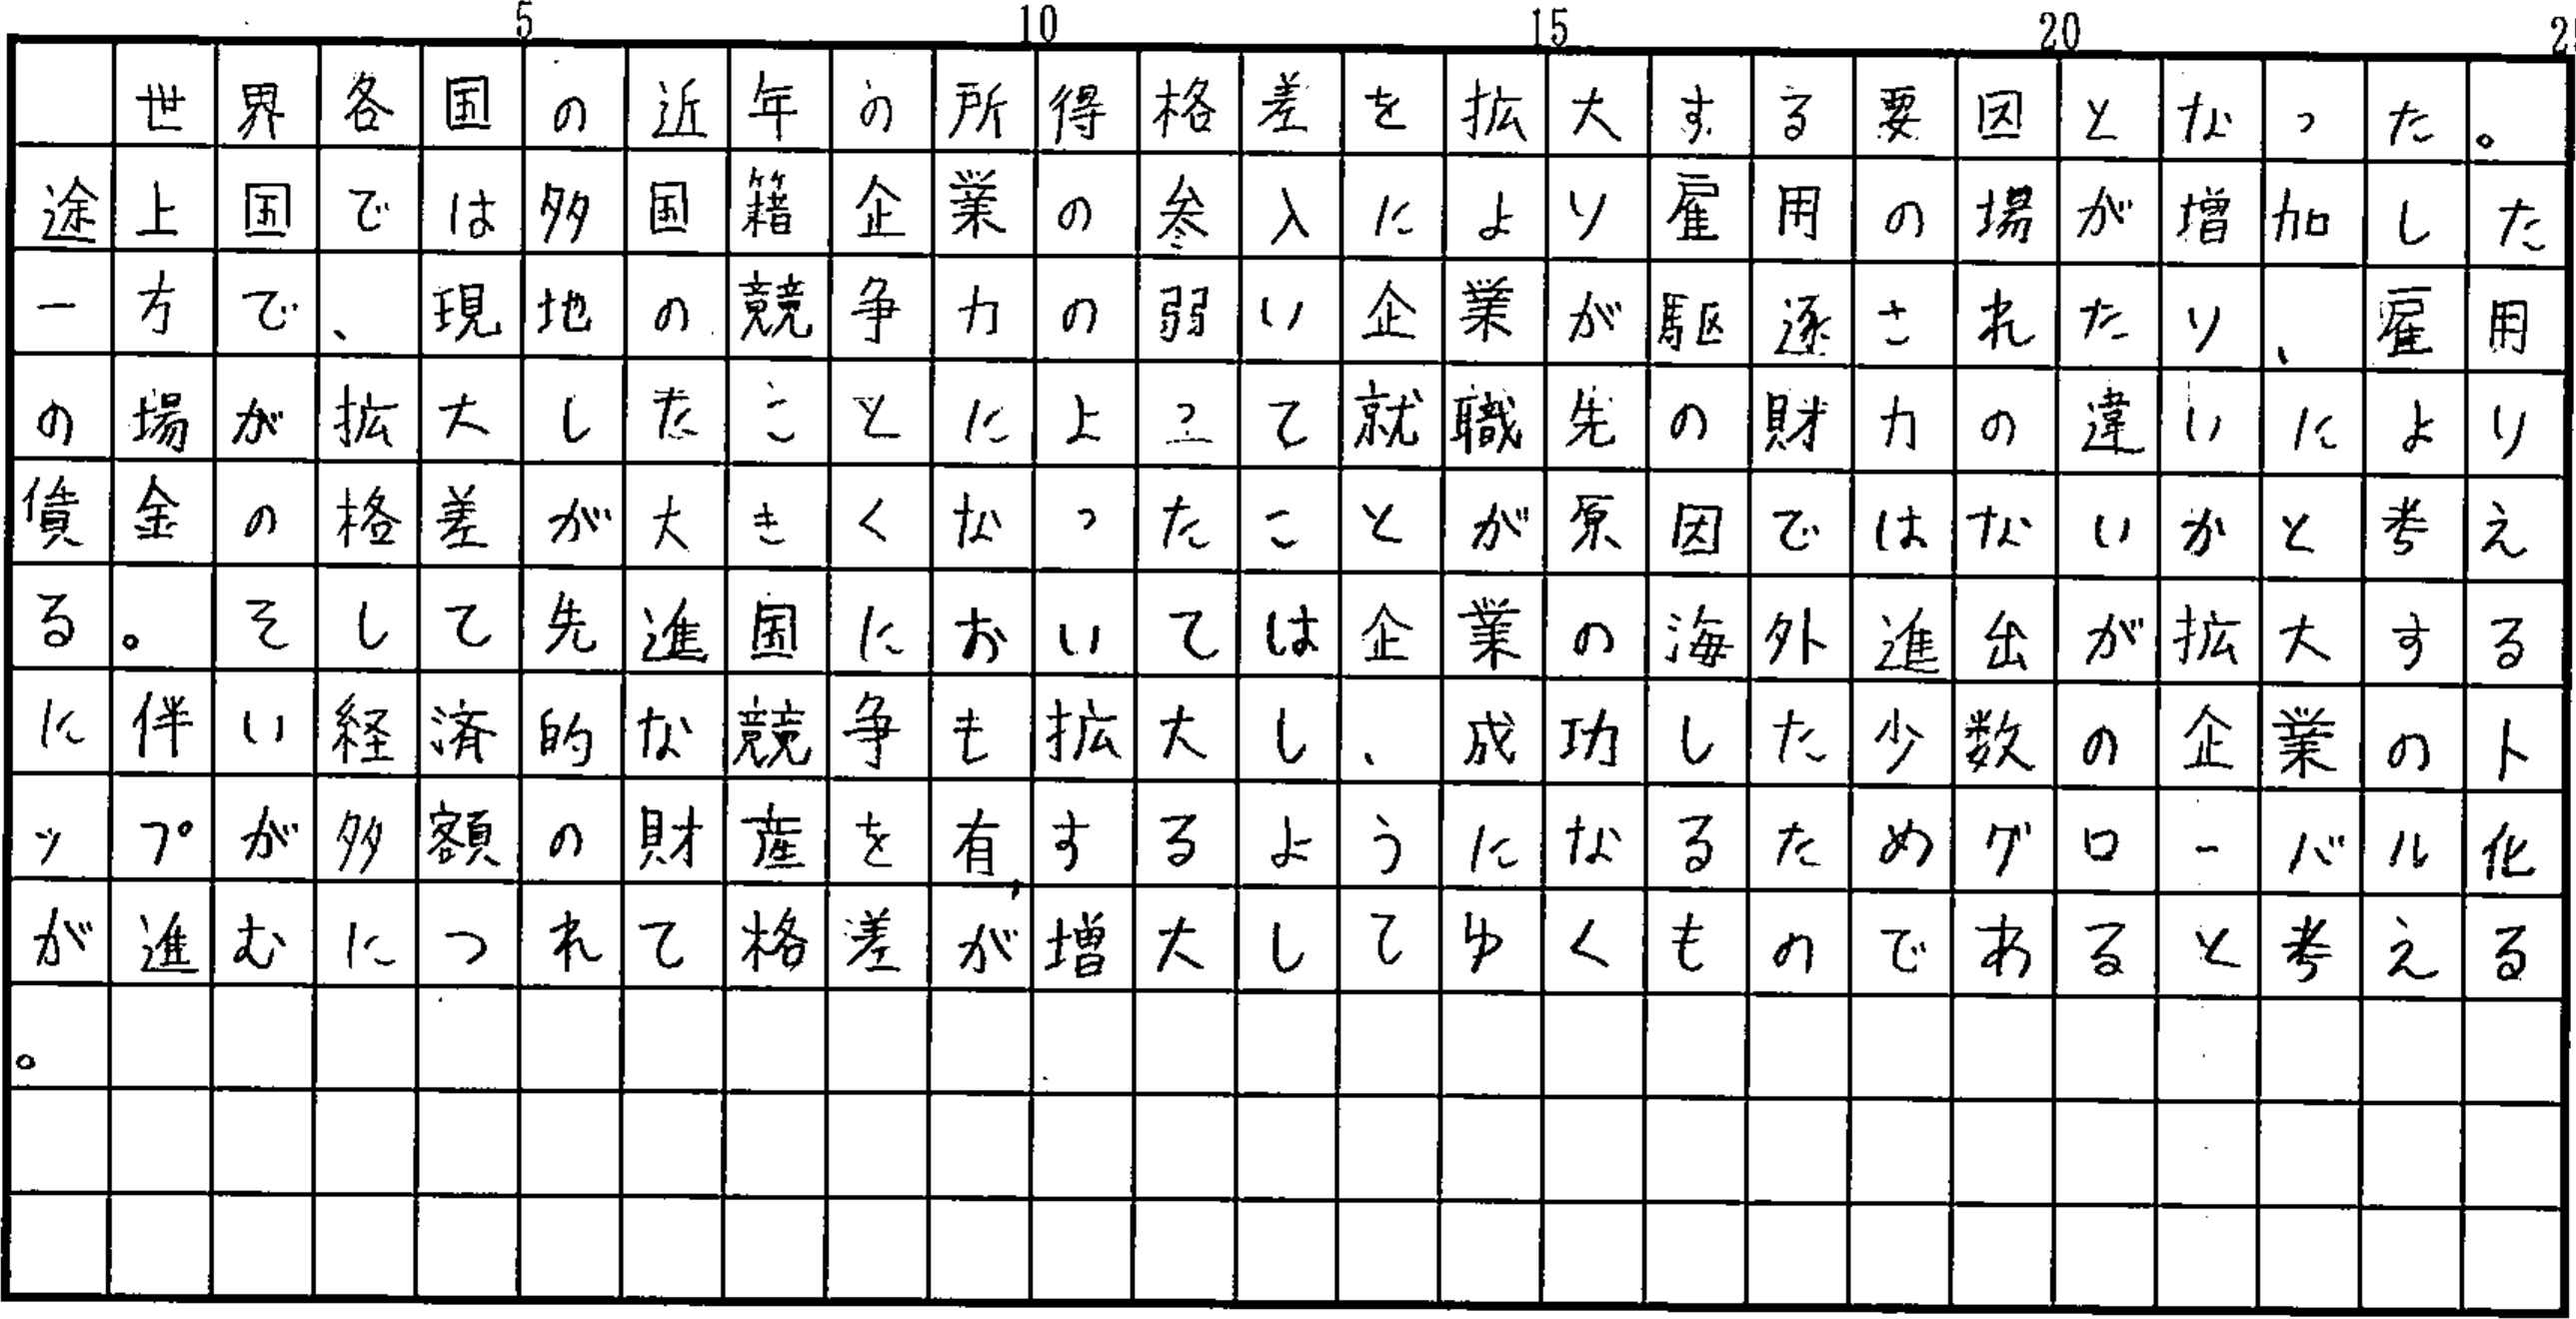　世界各国の近年の所得格差を拡大する要因となった。途上国では多国籍企業の参入により雇用の場が増加した一方で、現地の競争力の弱い企業が駆逐されたり、雇用の場が拡大したことによって就職先の財力の違いにより賃金の格差が大きくなったことが原因ではないかと考える。そして先進国においては企業の海外進出が拡大するに伴い経済的な競争も拡大し、成功した少数の企業のトップが多額の財産を有するようになるためグローバル化が進むにつれて格差が増大してゆくものであると考える。
